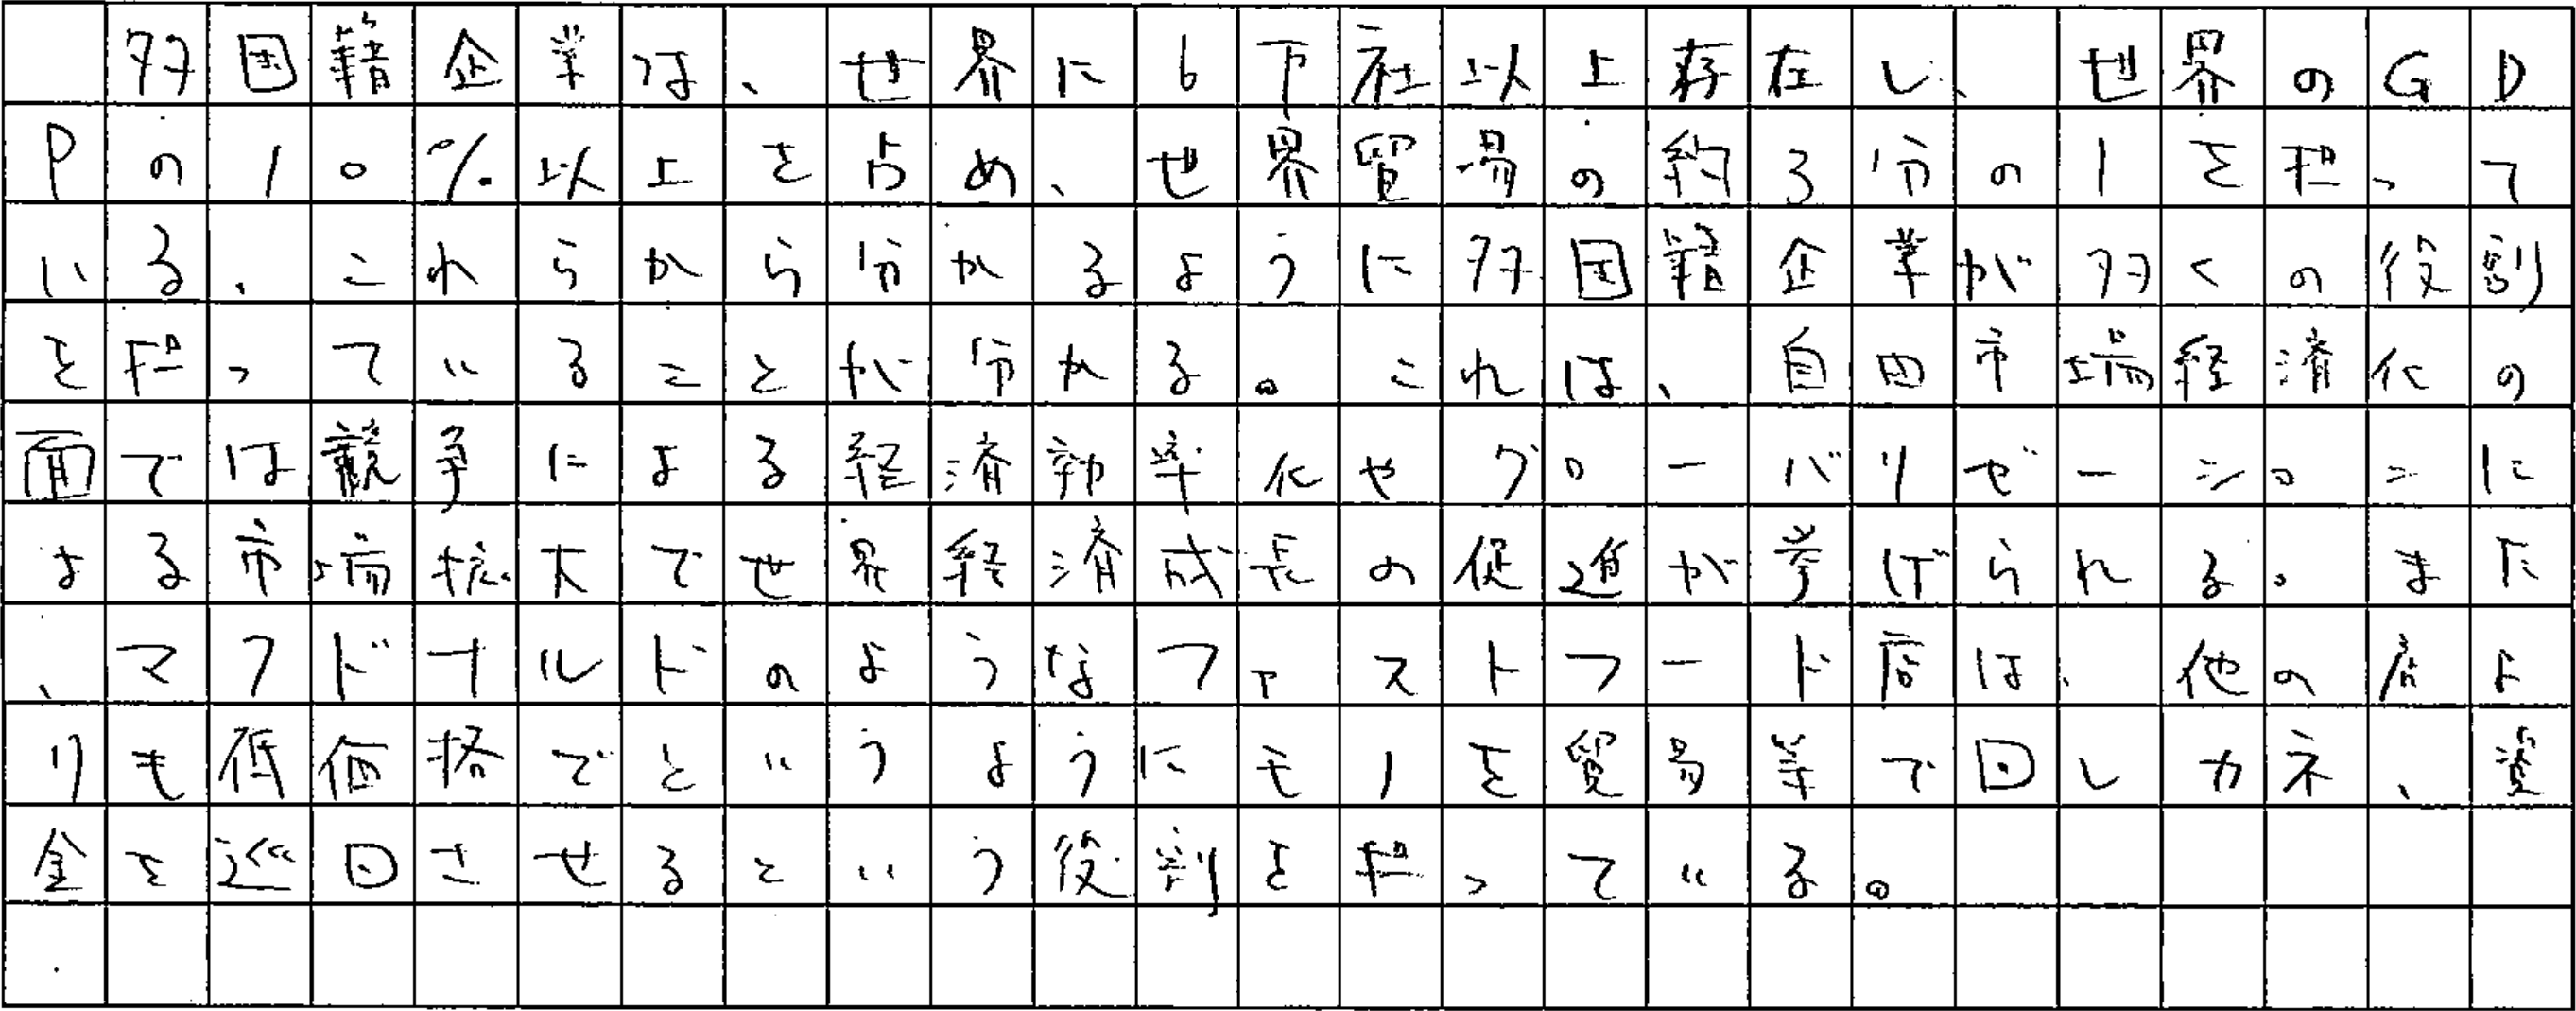　多国籍企業は、世界に６万社以上存在し、世界のＧＤＰの１０％以上を占め、世界貿易の約３分の１を担っている。これらから分かるように多国籍企業が多くの役割を担っていることが分かる。これは、自由市場経済化の面では競争による経済効率化やグローバリゼーションによる市場拡大で世界経済成長の促進が挙げられる。また、マクドナルドのようなファストフード店は、他の店よりも低価格でというようにモノを貿易等で回しカネ、資金を巡回させるという役割を担っている。
